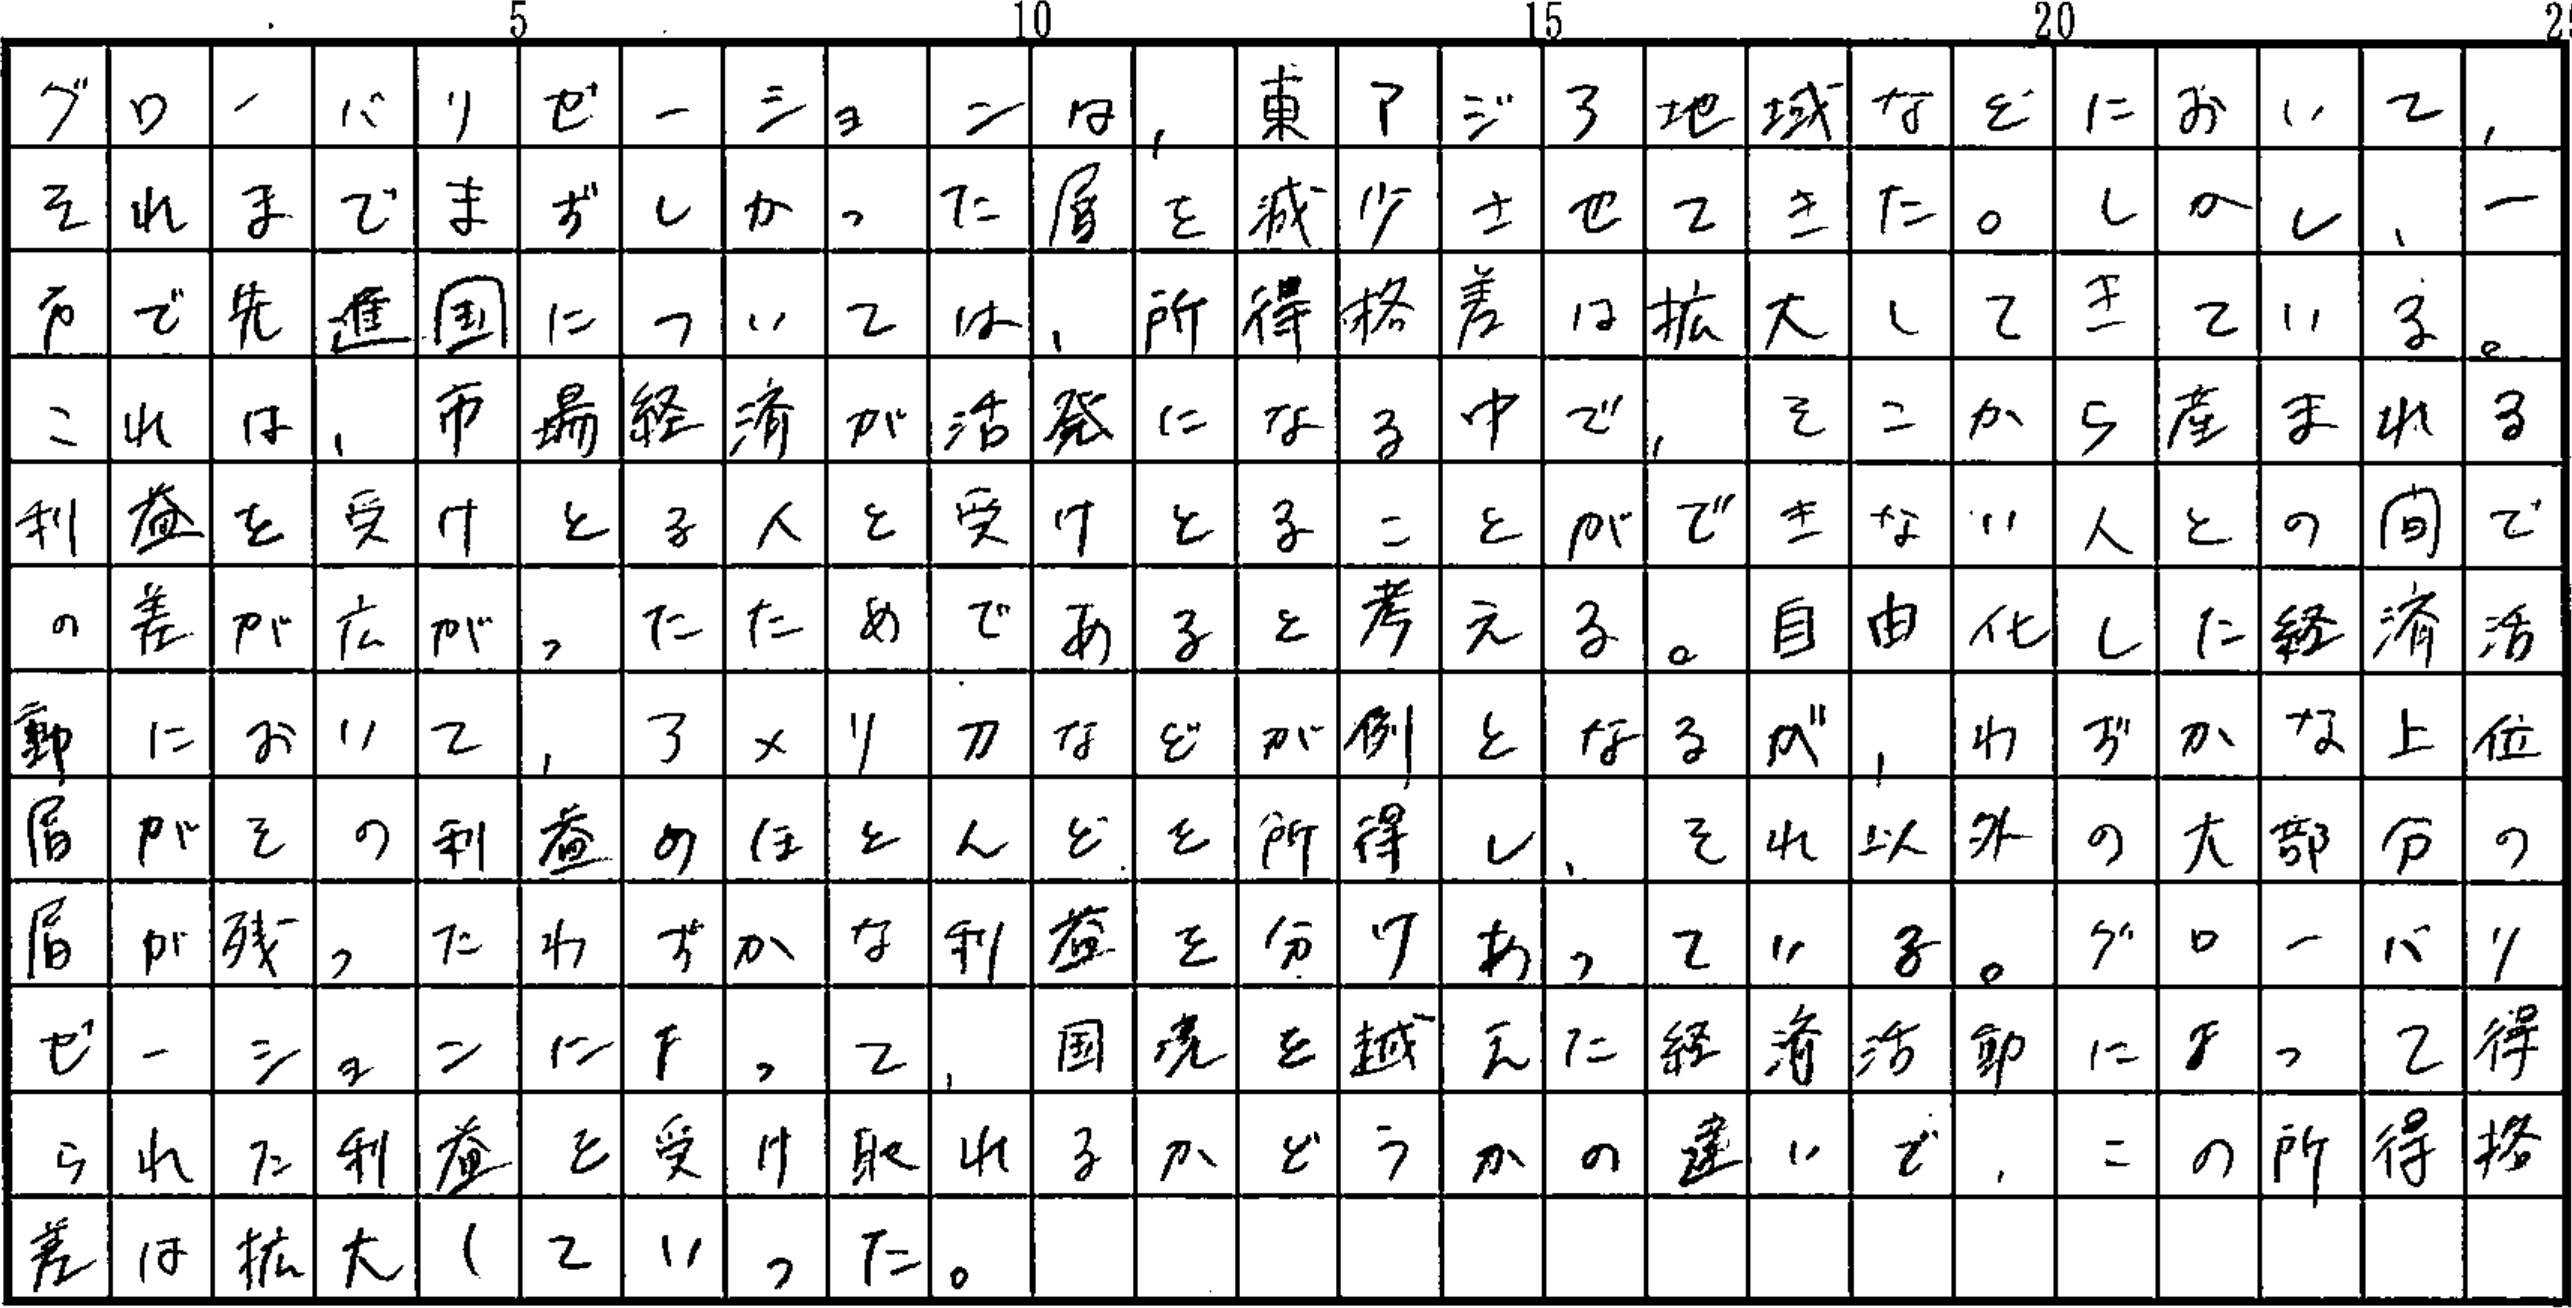グローバリゼーションは、東アジア地域などにおいて、それまでまずしかった▁を▁少させてきた。しかし、一方で先進国については、所得格差は拡大してきている。これは、市場経済が活発になる中で、そこから産まれる利益を受けとる人と受けとることができない人との間での差が広がったためであると考える。自由化した経済活動において、アメリカなどが例となるが、わずかな上位▁がその利益のほとんどを所得し、それ以外の大部分の▁が残ったわずかな利益を分けあっている。グローバリゼーションによって、国境を越えた経済活動によって得られた利益を受け取れるかどうかの違いで、この所得格差は拡大していった。
